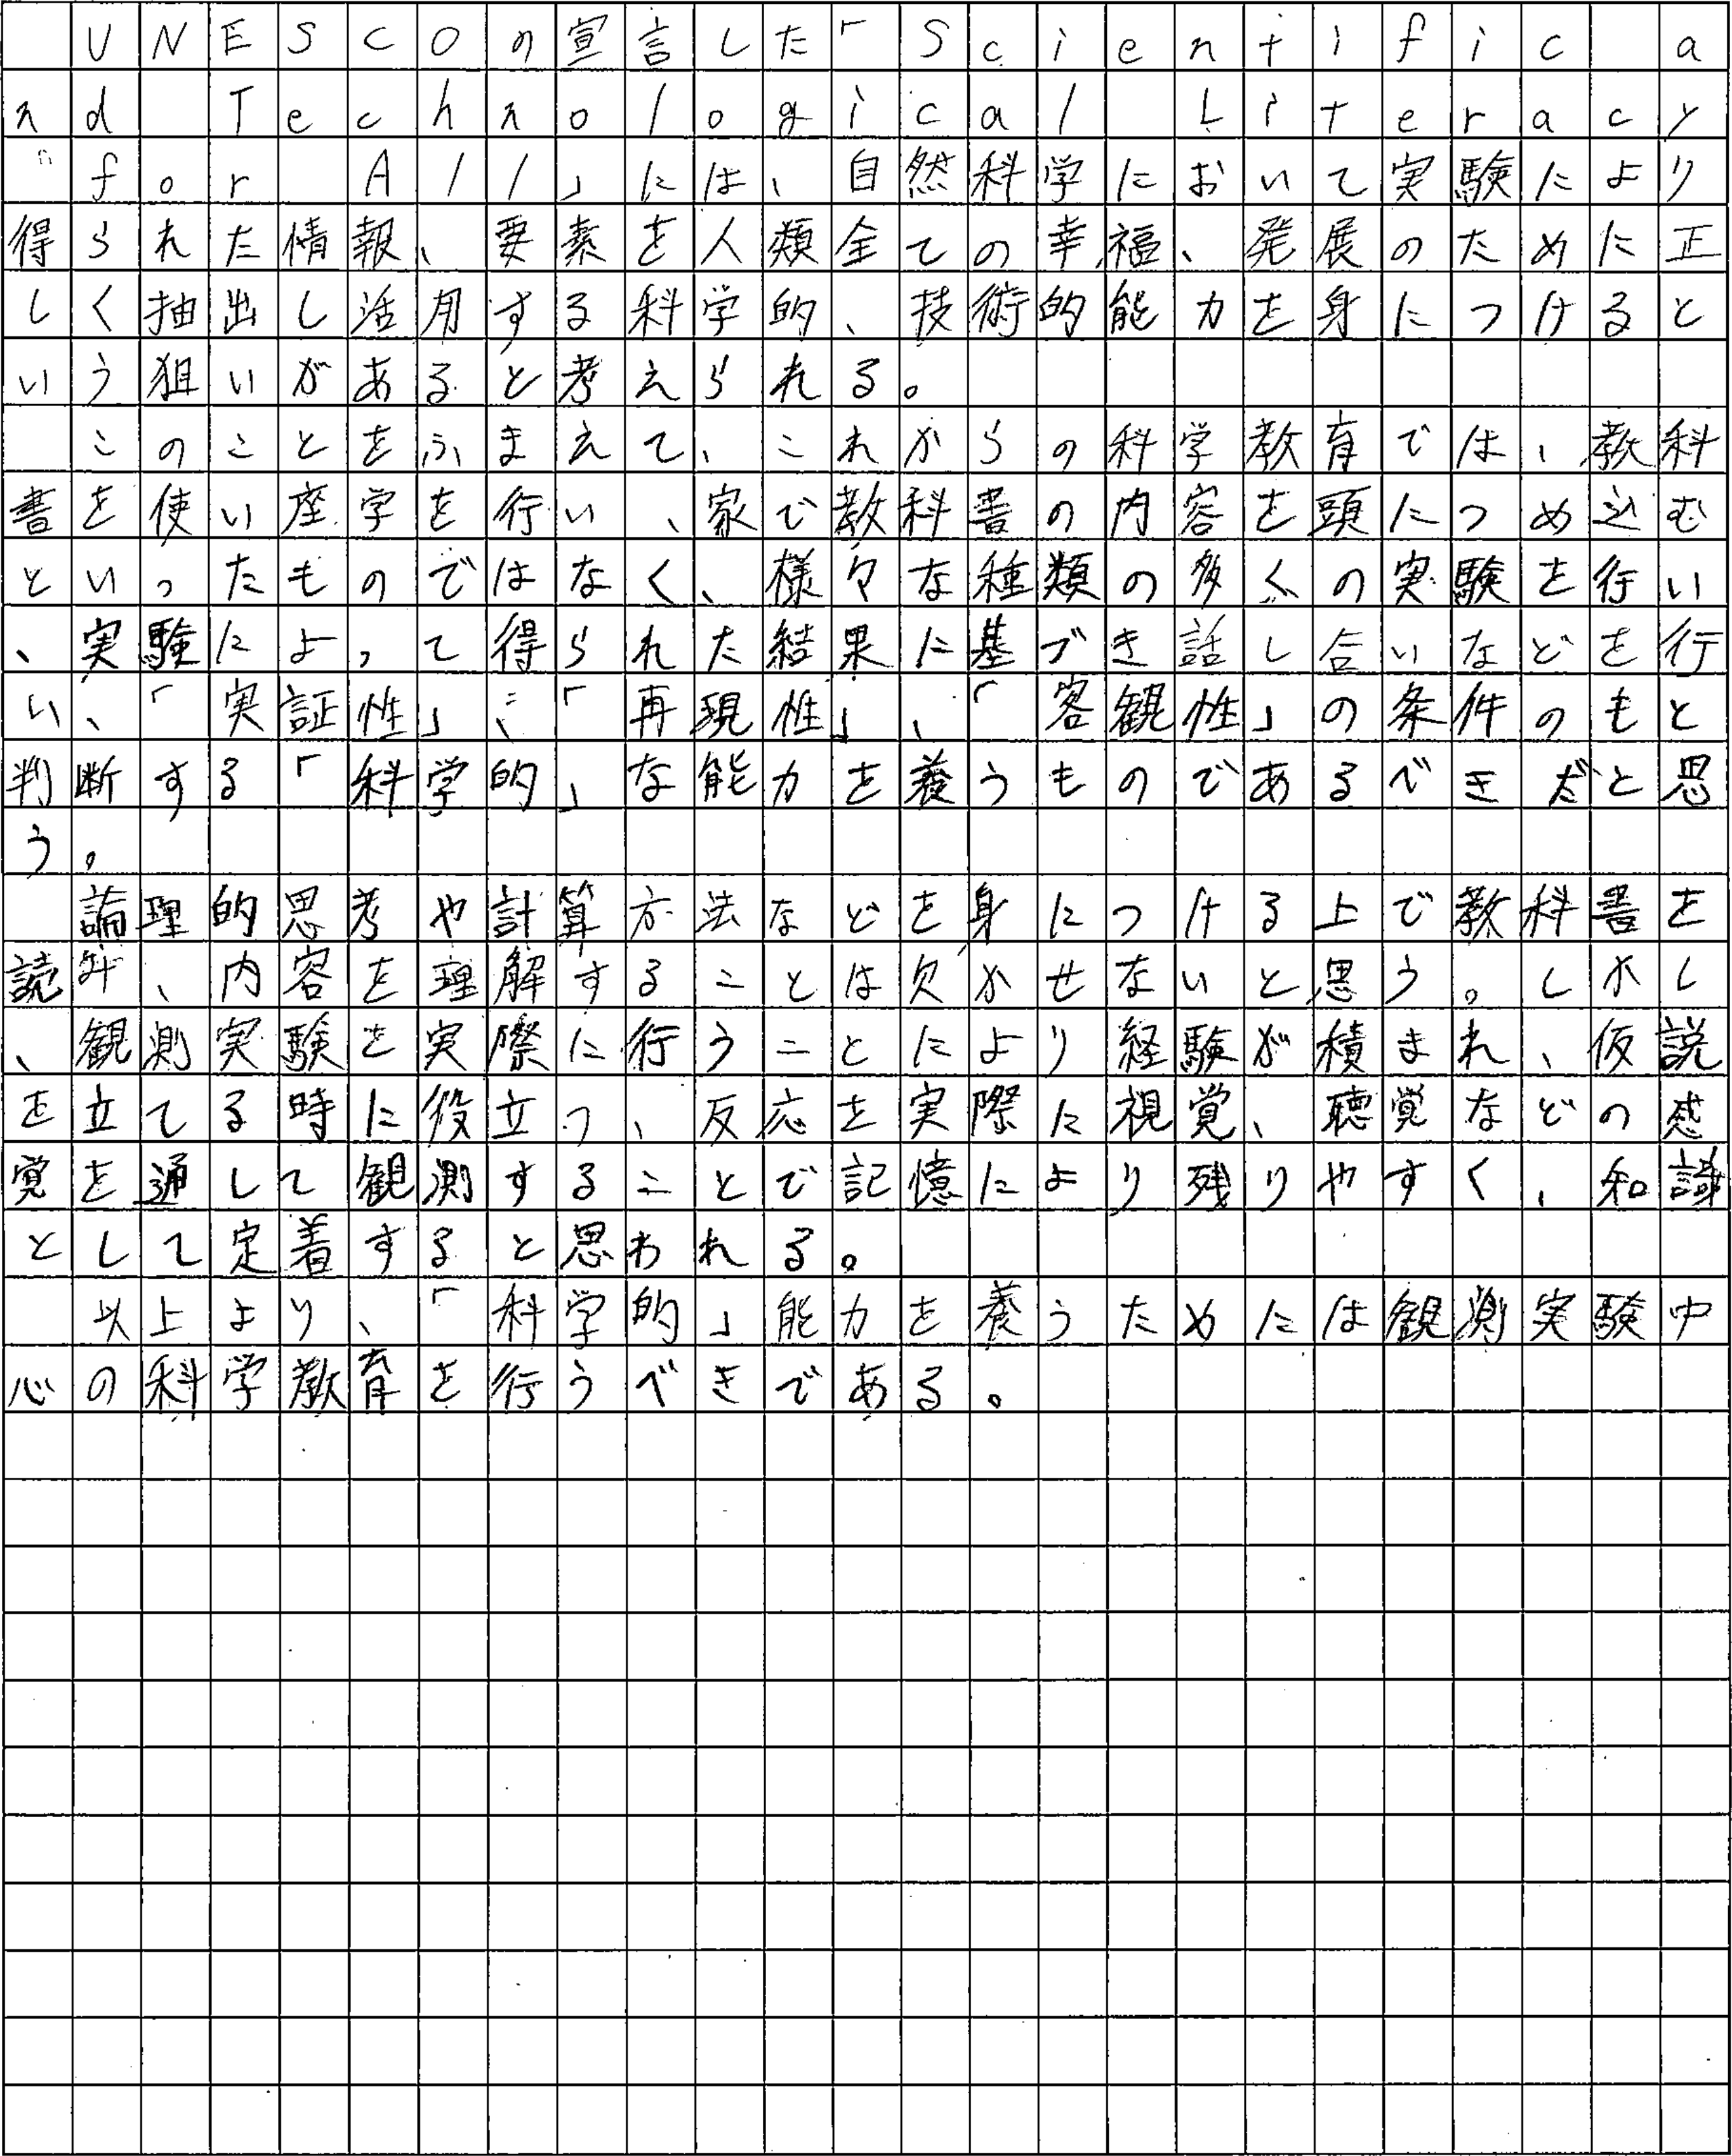　ＵＮＥＳＣＯの宣言した「Ｓｃｉｅｎｔｉｆｉｃ　ａｎｄ　Ｔｅｃｈｎｏｌｏｇｉｃａｌ　Ｌｉｔｅｒａｃｙ　ｆｏｒ　Ａｌｌ」には、自然科学において実験により得られた情報、要素を人類全ての幸福、発展のために正しく抽出し活用する科学的、技術的能力を身に着けるという狙いがあると考えられる。
　このことをふまえて、これからの科学教育では、教科書を使い座学を行い、家で教科書の内容を頭につめ込むといったものではなく、様々な種類の多くの実験を行い、実験によって得られた結果に基づき話し合いなどを行い、「実証性」、「再現性」、「客観性」の条件のもと判断する「科学的」な能力を養うものであるべきだと思う。
　論理的思考や計算方法などを身につける上で教科書を読み、内容を理解することは欠かせないと思う。しかし、観測実験を実際に行うことにより経験が積まれ、仮説を立てるときに役立つ、反応を実際に視覚、聴覚などの感覚を通して観測することで記憶により残りやすく、知識として定着すると思われる。
　以上より、「科学的」能力を養うためには観測実験中心の科学教育を行うべきである。
